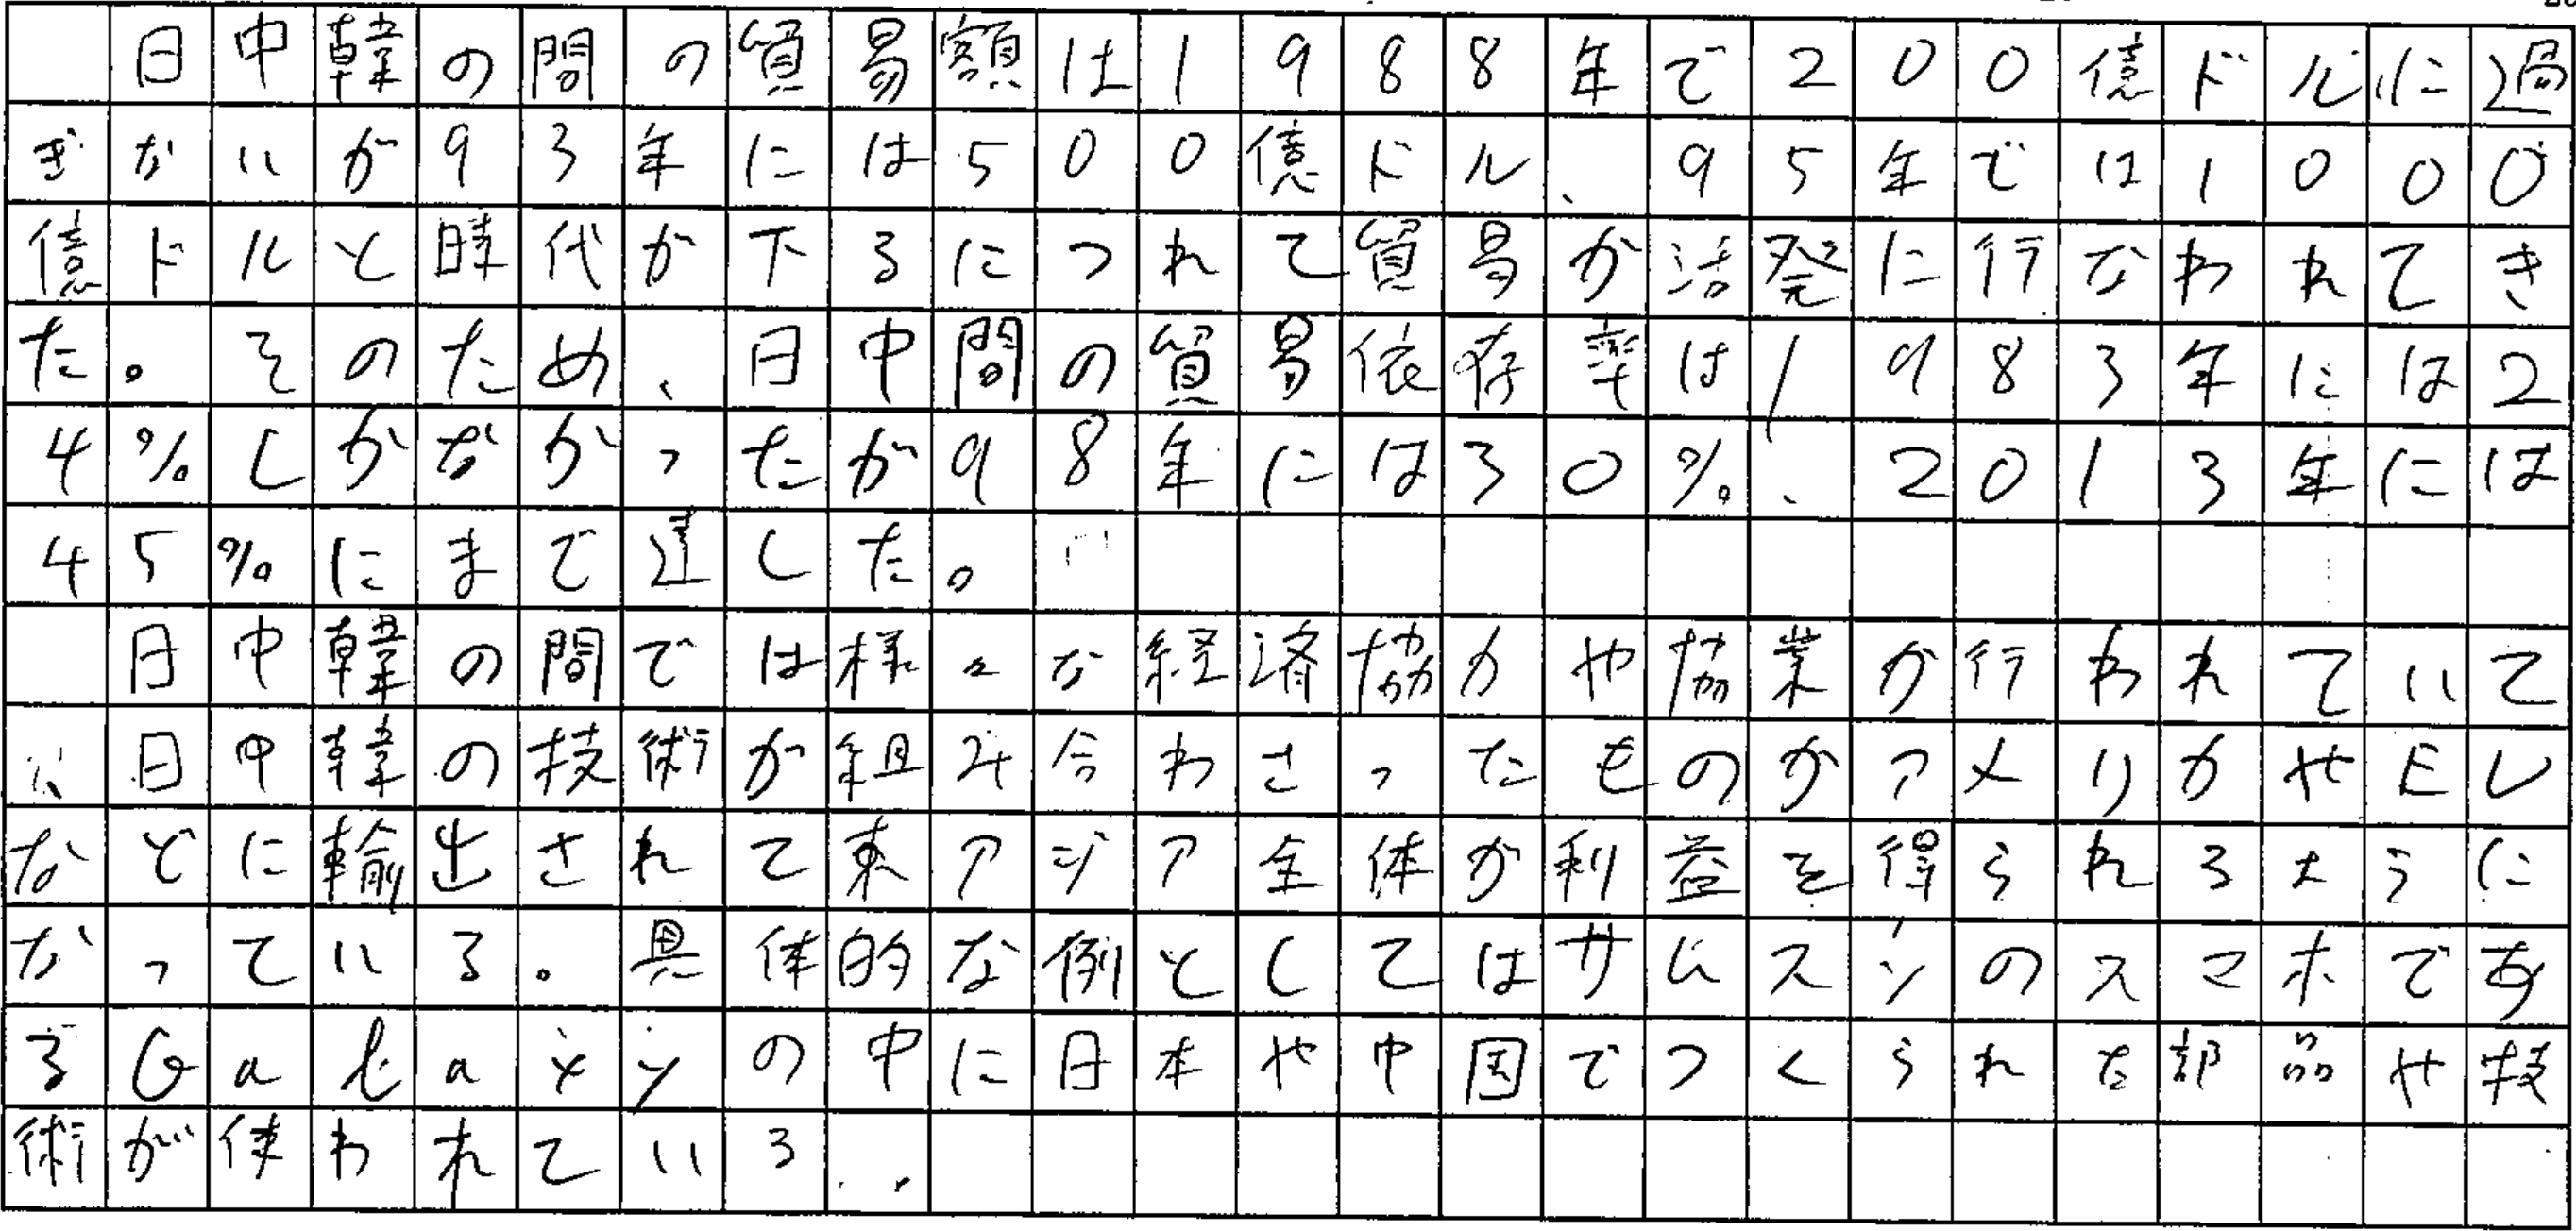　日中韓の間の貿易額は１９８８年で２００億ドルに過ぎないが９３年には５００億ドル、９５年では１０００億ドルと時代が下るにつれて貿易か活発に行なわれてきた。そのため、日中間の貿易依存率は１９８３年には２４％しかなかったが９８年には３０％、２０１３年には４５％にまで達した。
　日中韓の間では様々な経済協力や協業か行われていて、日中韓の技術が組み合わさったものかアメリカやＥＵなどに輸出されて東アジア全体が利益を得られるようになっている。具体的な例としてはサムスンのスマホであるＧａｌａｘｙの中に日本や中国でつくられた部品や技術が使われている。
